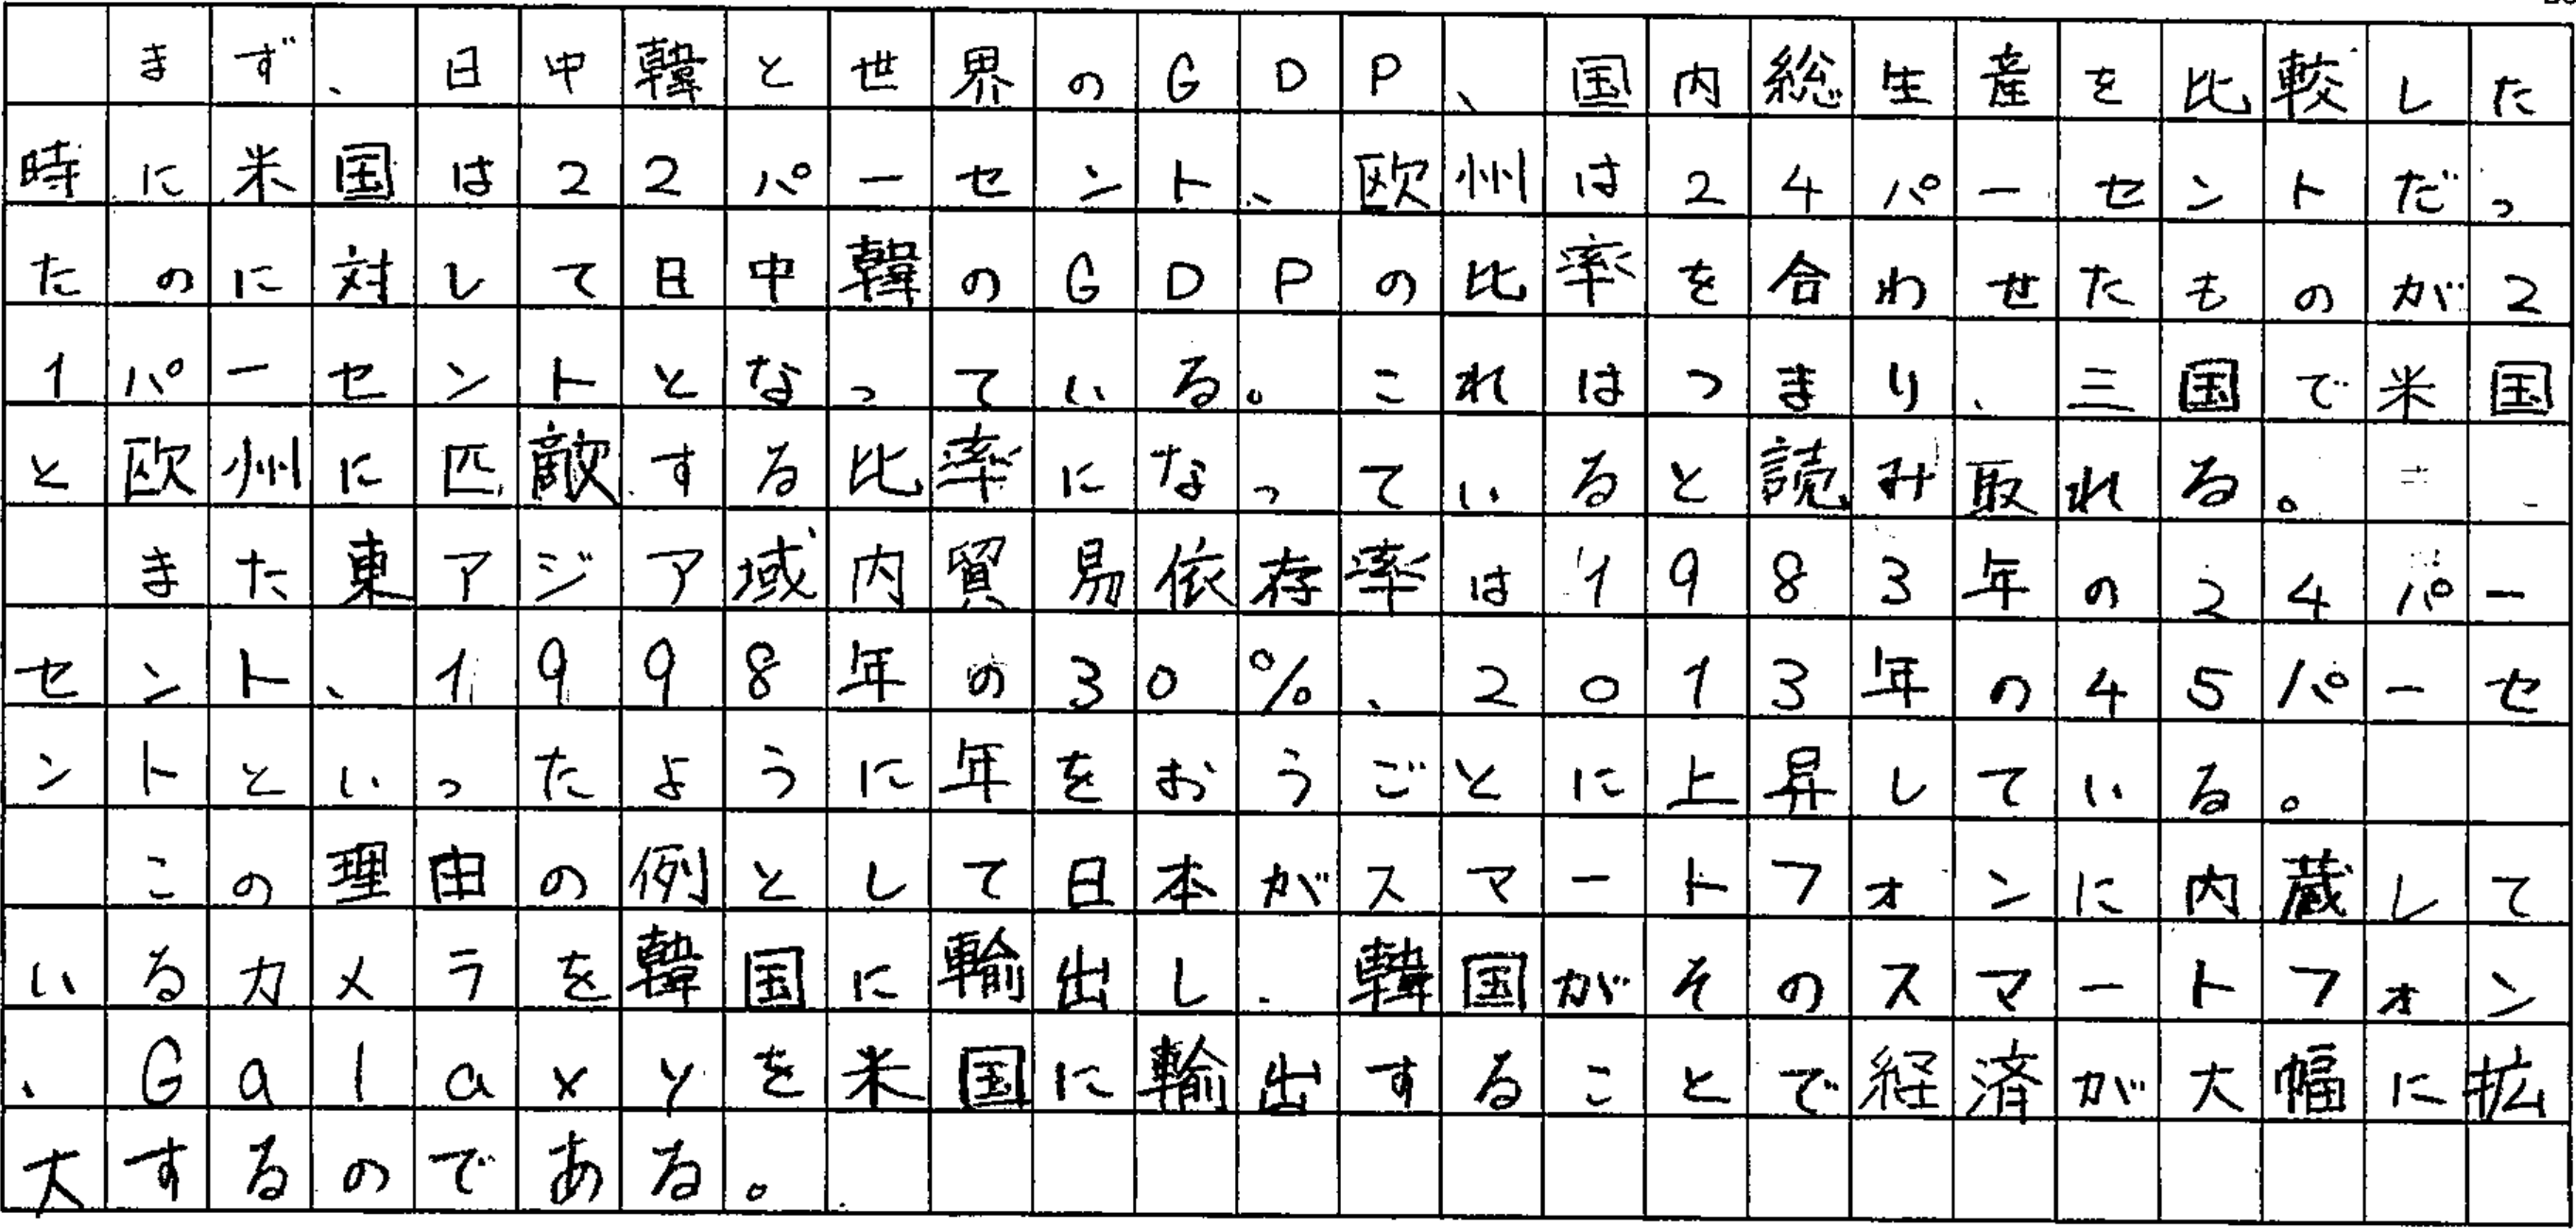　まず、日中韓と世界のＧＤＰ、国内総生産を比較した時に米国は２２パーセント、欧州は２４パーセントだったのに対して日中韓のＧＤＰの比率を合わせたものが２１パーセントとなっている。これはつまり、三国で米国と欧州に匹敵する比率になっていると読み取れる。
　また東アジア域内貿易依存率は１９８３年の２４パーセント、１９９８年の３０％、２０１３年の４５パーセントといったように年をおうごとに上昇している。
　この理由の例として日本がスマートフォンに内蔵しているカメラを韓国に輸出し、韓国がそのスマートフォン、Ｇａｌａｘｙを米国に輸出することで経済が大幅に拡大するのである。
